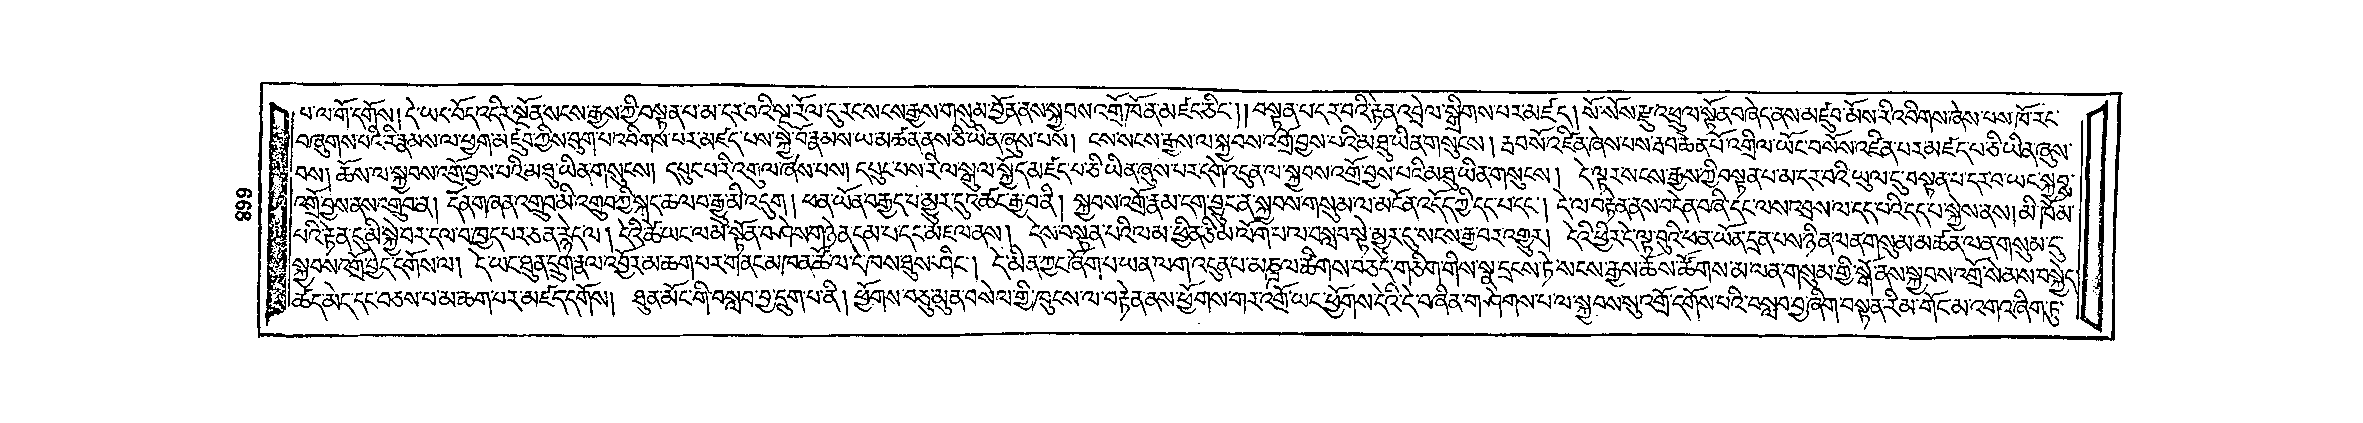པ་ལ་གོ་དགོས། དེ་ཡང་བོད་འདིར་སྔོན་སངས་རྒྱས་ཀྱི་བསྟན་པ་མ་དར་བའི་སྔ་རོལ་དུ་རང་སངས་རྒྱས་གསུམ་བྱོན་ནས་སྐྱབས་འགྲོ་ཁོ་ན་མཛད་ཅིང་། །བསྟན་པད་ར་བའི་རྟེན་འབྲེལ་སྒྲིགས་པར་མཛད། སོ་སོས་རྫུ་འཕྲུལ་སྟོན་བཞེད་ནས་མཛུབ་མོས་རི་འབིགས་ཞེས་པས་ཁོ་རང་
བཞུགས་པའི་རི་རྣམས་ལ་ཕྱག་མཛུབ་ཀྱིས་བུག་པ་འབིགས་པར་མཛད་པས་སྐྱེ་བོ་རྣམས་ཡ་མཚན་ནས་ཅི་ཡིན་ཞུས་པས། ངས་སངས་རྒྱས་ལ་སྐྱབས་འགྲོ་བྱས་པའི་མཐུ་ཡིན་གསུངས། རྦབ་སོ་འཛིན་ཞེས་པས་རྦབ་ཆེན་པོ་འགྲིལ་ཡོང་བསོས་འཛིན་པར་མཛད་པ་ཅི་ཡིན་ཞུས་
བས། ཆོས་ལ་སྐྱབས་འགྲོ་བྱས་པའི་མཐུ་ཡིན་གསུངས། དཔུང་པ་རི་འགུལ་ཞེས་པས། དཔུང་པས་རི་ལ་སྒུལ་སྐྱོད་མཛད་པ་ཅི་ཡིན་ཞུས་པར་དགེ་འདུན་ལ་སྐྱབས་འགྲོ་བྱས་པའི་མཐུ་ཡིན་གསུངས། དེ་ལྟར་སངས་རྒྱས་ཀྱི་བསྟན་པ་མ་དར་བའི་ཡུལ་དུ་བསྟན་པ་དར་བ་ཡང་སྐྱབས་
འགྲོ་བྱས་ནས་འགྲུབ་ན། དོན་གཞན་འགྲུབ་མི་འགྲུབ་ཀྱི་སྐད་ཆ་ལབ་རྒྱུ་མི་འདུག །ཕན་ཡོན་བརྒྱད་པ་མྱུར་དུ་འཚང་རྒྱ་བ་ནི། སྐྱབས་འགྲོ་རྣམ་དག་བྱུང་ན་སྐྱབས་གསུམ་ལ་མངོན་འདོད་ཀྱི་དད་པ་དང་། དེ་ལ་བརྟེན་ནས་བདེན་བཞི་དང་ལས་འབྲས་ལ་དད་པའི་དད་པ་སྐྱེས་ནས། མི་ཁོམ་
པའི་རྟེན་དུ་མི་སྐྱེ་བར་དལ་བ་ཁྱད་པར་ཅན་རྙེད་ལ། དེའི་ཚེ་ཡང་ལམ་སྟོན་བཤེས་གཉེན་དམ་པ་དང་མཇལ་ནས། དེས་བསྟན་པའི་ལམ་ཕྱིན་ཅི་མ་ལོག་པ་ལ་བསླབ་སྟེ་མྱུར་དུ་སངས་རྒྱས་བར་འགྱུར། དེའི་ཕྱིར་དེ་ལྟ་བུའི་ཕན་ཡོན་དྲན་པས་ཉིན་ལན་གསུམ་མཚན་ལན་གསུམ་དུ་
སྐྱབས་འགྲོ་བྱེད་དགོས་ལ། དེ་ཡང་ཐུན་དྲུག་རྣལ་འབྱོར་མ་ཆག་པར་གནང་མཁན་ཚོ་ལ་དེ་ཁས་ཐུས་ཤིང་། དེ་མིན་ཀྱང་ཞོག་པ་ཡན་ལག་འདུན་པ་མཎྜལ་ཚིགས་བཅད་གཅིག་གིས་སྣ་དྲངས་ཏེ་སངས་རྒྱས་ཆོས་ཚོགས་མ་ལན་གསུམ་གྱི་སྒོ་ནས་སྐྱབས་འགྲོ་སེམས་བསྐྱེད་ཚད་མེད་དང་བཅས་པ་མ་ཆག་པར་མཛད་དགོས། ཐུན་མོང་གི་བསླབ་བྱ་དྲུག་པ་ནི། ཕྱོགས་བཅུ་མུན་བསེལ་གྱི་ཁུངས་ལ་བརྟེན་ནས་ཕྱོགས་གར་འགྲོ་ཡང་ཕྱོགས་དེའི་དེ་བཞིན་གཤེགས་པ་ལ་སྐྱབས་སུ་འགྲོ་དགོས་པའི་བསླབ་བྱ་ཞིག་བསྟན་རིམ་གོང་མ་འགའ་ཞིག་ཏུ་